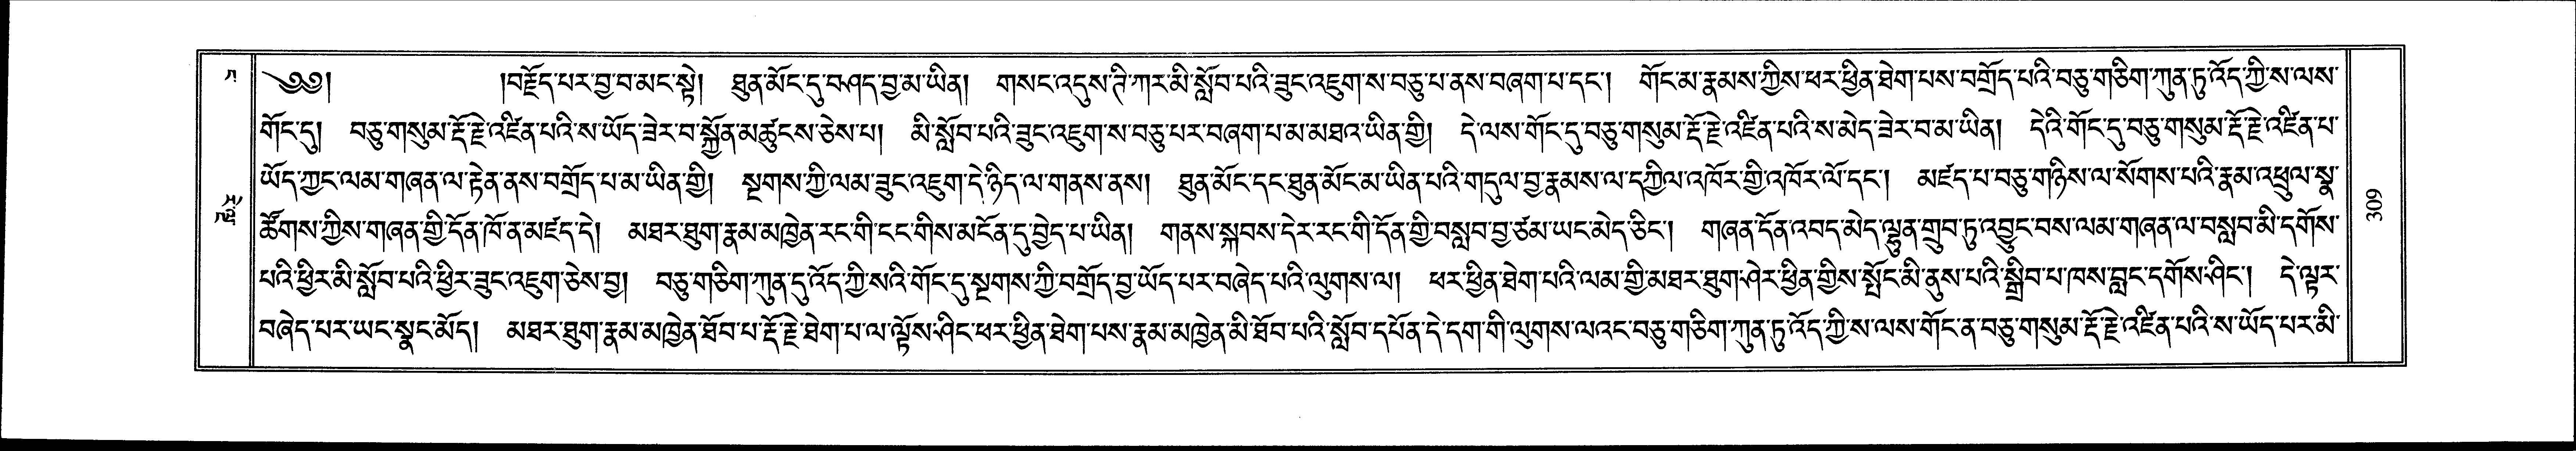༄༅། །བརྗོད་པར་བྱ་བ་མང་སྟེ། ཐུན་མོང་དུ་བཤད་བྱ་མ་ཡིན། གསང་འདུས་ཊི་ཀར་མི་སློབ་པའི་ཟུང་འཇུག་ས་བཅུ་པ་ནས་བཞག་པ་དང་། གོང་མ་རྣམས་ཀྱིས་ཕར་ཕྱིན་ཐེག་པས་བགྲོད་པའི་བཅུ་གཅིག་ཀུན་ཏུ་འདོད་ཀྱི་ས་ལས་
གོང་དུ། བཅུ་གསུམ་རྡོ་རྗེ་འཛིན་པའི་ས་ཡོད་ཟེར་བ་སྐྱོན་མཚུངས་ཅེས་པ། མི་སློབ་པའི་ཟུང་འཇུགས་བཅུ་པར་བཞག་པ་མ་མཐའ་ཡིན་གྱི། དེ་ལས་གོང་དུ་བཅུ་གསུམ་རྡོ་རྗེ་འཛིན་པའི་ས་མེད་ཟེར་བ་མ་ཡིན། དེའི་གོང་དུ་བཅུ་གསུམ་རྡོ་རྗེ་འཛིན་པ་
ཡོད་ཀྱང་། ལམ་གཞན་ལ་རྟེན་ནས་བགྲོད་པ་མ་ཡིན་གྱི། སྔགས་ཀྱི་ལམ་ཟུང་འཇུག་དེ་ཉིད་ལ་གནས་ནས། ཐུན་མོང་དང་ཐུན་མོང་མ་ཡིན་པའི་གདུལ་བྱ་རྣམས་ལ་དཀྱིལ་འཁོར་གྱི་འཁོར་ལོ་དང་། མཛད་པ་བཅུ་གཉིས་ལ་སོགས་པའི་རྣམ་འཕྲུལ་སྣ་
ཚོགས་ཀྱིས་གཞན་གྱི་དོན་ཁོ་ན་མཛད་དེ། མཐར་ཐུག་རྣམ་མཁྱེན་རང་གི་ངང་གི་མངོན་དུ་བྱེད་པ་ཡིན། གནས་སྐབས་དེར་རང་གི་དོན་གྱི་བསླབ་བྱ་ཙམ་ཡང་མེད་ཅིང་། གཞན་དོན་འབད་མེད་ལྷུན་གྲུབ་ཏུ་འབྱུང་བས་ལམ་གཞན་ལ་བསླབ་མི་དགོས་
པའི་ཕྱིར་མི་སློབ་པའི་ཕྱིར་ཟུང་འཇུག་ཅེས་བྱ། བཅུ་གཅིག་ཀུན་དུ་འོད་ཀྱི་སའི་གོང་དུ་སྔགས་ཀྱི་བགྲོད་བྱ་ཡོད་པར་བཞེད་པའི་ལུགས་ལ། ཕར་ཕྱིན་ཐེག་པའི་ལམ་གྱི་མཐར་ཐུག་ཤེར་ཕྱིན་གྱིས་སྤོང་མི་ནུས་པའི་སྒྲིབ་པ་ཁས་བླང་དགོས་ཤོང་། དེ་ལྟར་
བཞེད་པར་ཡང་སྣང་མོད། མཐར་ཐུག་རྣམ་མཁྱེན་ཐོབ་པ་རྡོ་རྗེ་ཐེག་པ་ལ་ལྟོས་ཤིང་ཕར་ཕྱིན་ཐེག་པས་རྣམ་མཁྱེན་མི་ཐོབ་པའི་སློབ་དཔོན་དེ་དག་གི་ལུགས་ལའང་བཅུ་གཅིག་ཀུན་ཏུ་འོད་ཀྱི་ས་ལས་གོང་ནས་བཅུ་གསུམ་རྡོ་རྗེ་འཛིན་པའི་ས་ཡོད་པར་མི་